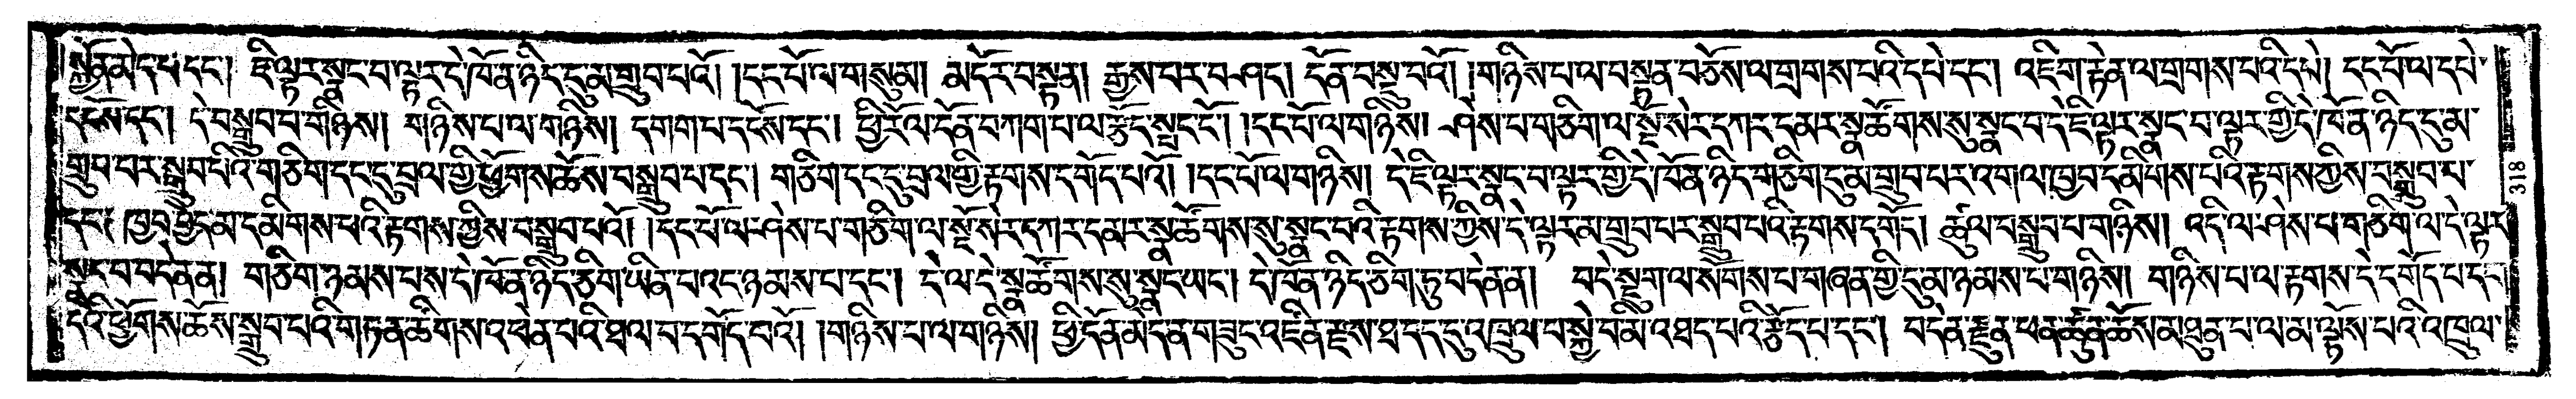སྐྱོན་མེད་པ་དང་། ཇི་ལྟར་སྣང་བ་ལྟར་དེ་ཁོ་ན་ཉིད་དུ་མ་གྲུབ་པའོ། །དང་པོ་ལ་གསུམ། མདོར་བསྟན། རྒྱས་པར་བཤད། དོན་བསྡུ་བའོ། །གཉིས་པ་ལ་བསྟན་བཅོས་ལ་གྲགས་པའི་དཔེ་དང་། འཇིག་རྟེན་ལ་གྲགས་པའི་དཔེ། དང་པོ་ལ་དཔེ་
དངོས་དང་། དེ་བསྒྲུབ་པ་གཉིས། གཉིས་པ་ལ་གཉིས། དགག་པ་དངོས་དང་། ཕྱི་རོལ་དོན་བཀག་པ་ལ་རྩོད་སྤང་ངོ། །དང་པོ་ལ་གཉིས། ཤེས་པ་གཅིག་ལ་སྔོ་སེར་དཀར་དམར་སྣ་ཚོགས་སུ་སྣང་བ་དེ་ཇི་ལྟར་སྣང་བ་ལྟར་གྱི་དེ་ཁོ་ན་ཉིད་དུ་མ་
གྲུབ་པར་སྒྲུབ་པའི་གཅིག་དང་དུ་བྲལ་གྱི་ཕྱོགས་ཆོས་བསྒྲུབ་པ་དང་། གཅིག་དང་དུ་བྲལ་གྱི་རྟགས་དགོད་པའོ། །དང་པོ་ལ་གཉིས། དེ་ཇི་ལྟར་སྣང་བ་ལྟར་གྱི་དེ་ཁོ་ན་ཉིད་གཅིག་དུ་མ་གྲུབ་པར་འགལ་ཁྱབ་དམིགས་པའི་རྟགས་ཀྱིས་བསྒྲུབ་པ་
དང་། ཁྱབ་བྱེད་མ་དམིགས་པའི་རྟགས་ཀྱིས་བསྒྲུབ་པའོ། །དང་པོ་ལ་ཤེས་པ་གཅིག་ལ་སྔོ་སེར་དཀར་དམར་སྣ་ཚོགས་སུ་སྣང་བའི་རྟགས་ཀྱིས་དེ་ལྟར་མ་གྲུབ་པར་སྒྲུབ་པའི་རྟགས་དགོད། ཚུལ་བསྒྲུབ་པ་གཉིས། འདི་ལ་ཤེས་པ་གཅིག་ལ་དེ་ལྟར་
སྣང་བ་བདེན་ན། གཅིག་ཉམས་པས་དེ་ཁོ་ན་ཉིད་ཅིག་ཡིན་པའང་ཉམས་པ་དང་། དེ་ལ་དེ་སྣ་ཚོགས་སུ་སྣང་ཡང་། དེ་ཁོ་ན་ཉིད་ཅིག་ཏུ་བདེན་ན། བདེ་སྡུག་ལ་སོགས་པ་གཞན་གྱི་དུ་མ་ཉམས་པ་གཉིས། གཉིས་པ་ལ་རྟགས་དེ་དགོད་པ་དང་།
དེའི་ཕྱོགས་ཆོས་སྒྲུབ་པའི་གཏན་ཚིགས་འཕེན་པའི་ཐལ་བ་དགོད་པའོ། །གཉིས་པ་ལ་གཉིས། ཕྱི་དོན་མེད་ན་གཟུང་འཛིན་རྫས་ཐ་དད་དུ་འཁྲུལ་པ་སྐྱེ་བ་མི་འཐད་པའི་རྩོད་པ་དང་། བདེན་རྫུན་ཕན་ཚུན་ཆོས་མཐུན་པ་ལ་མ་ལྟོས་པའི་འཁྲུལ་